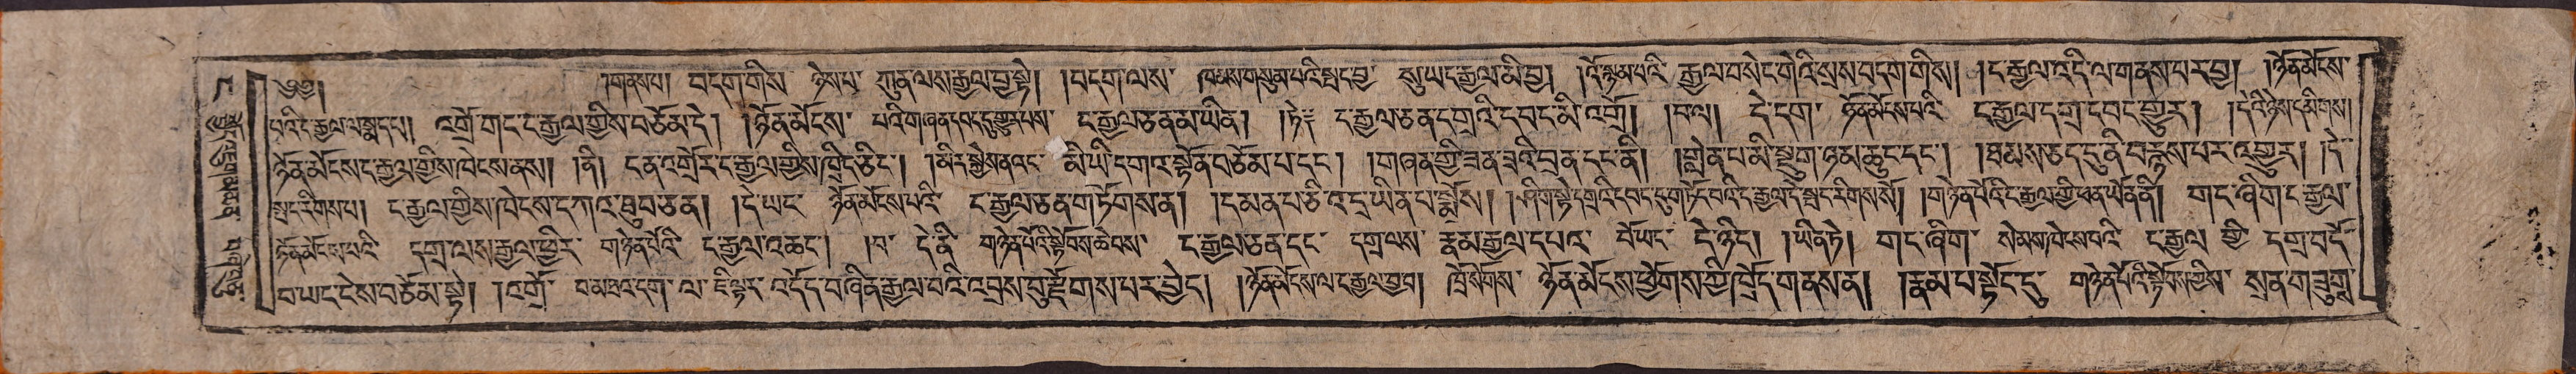༄༅། །གནས་པ། བདག་གིས་ཉེས་པ་ཀུན་ལས་རྒྱལ་བྱ་སྟེ། །བདག་ལས་ཁམས་གསུམ་པའི་སྤང་བྱ་སུ་ཡང་རྒྱལ་མི་བྱ། །འོ་སྙམ་པའི་རྒྱལ་བསེང་གེའི་སྲས་བདག་གིས། །ང་རྒྱལ་འདི་ལ་གནས་པར་བྱ། །ཉོན་མོངས་
པའི་ང་རྒྱལ་ལ་སྨད་པ། འགྲོ་གང་ང་རྒྱལ་གྱིས་བཅོམ་དེ། །ཉོན་མོངས་པའི་གཞན་དབང་དུ་གྱུར་པས་ང་རྒྱལ་ཅན་མ་ཡིན། ཏེ༑  ང་རྒྱལ་ཅན་དགྲའི་དབང་མི་འགྲོ། །བ་ལ། དེ་དག་ཉོན་མོངས་པའི་ང་རྒྱལ་དགྲ་དབང་གྱུར། དེའི་ཉེས་དམིགས།
ཉོན་མོངས་ང་རྒྱལ་གྱིས་ཁེངས་ནས། །ནི།  ངན་འགྲོར་ང་རྒྱལ་གྱིས་ཁྲིད་ཅིང་། །མིར་སྐྱེས་ནའང་མི་ཡི་དགའ་སྟོན་བཅོམ་པ་དང་། །གཞན་གྱི་ཟན་ཟའི་བྲན་དང་ནི། །གླེན་པ་མི་སྡུག་ཉམ་ཆུང་དང་། །ཐམས་ཅད་དུ་ནི་བརྙས་པར་འགྱུར། །དེ་
སྤང་རིགས་པ། ང་རྒྱལ་གྱིས་ཁེངས་དཀའ་ཐུབ་ཅན། །དེ་ཡང་ཉོན་མོངས་པའི་ང་རྒྱལ་ཅན་གཏོགས་ན། །དམན་པ་ཅི་འདྲ་ཡིན་པ་སྨྲོས། །ཤིག་སྟེ་དགྲའི་དབང་དུ་གཏོང་བའི་ང་རྒྱལ་དེ་སྤང་རིགས་སོ། །གཉེན་པོའི་ང་རྒྱལ་གྱི་ཕན་ཡོན་ནི།  གང་ཞིག་ང་རྒྱལ་
ཉོན་མོངས་པའི་དགྲ་ལས་རྒྱལ་ཕྱིར་གཉེན་པོའི་ང་རྒྱལ་འཆང་། །བ་དེ་ནི་གཉེན་པོའི་སྟོབས་ཆི་བས་ང་རྒྱལ་ཅན་དང་དགྲ་ལས་རྣམ་རྒྱལ་དཔའ་བོ་ཡང་དེ་ཉིད། །ཡིན་ཏེ།  གང་ཞིག་སེམས་ཁེངས་པའི་ང་རྒྱལ་གྱི་དགྲ་བདོ་
བ་ཡང་ངེས་བཅོམ་སྟེ། །འགྲོ་བ་མཐའ་དག་ལ་ཇི་ལྟར་འདོད་བཞིན་རྒྱལ་བའི་འབྲས་བུ་རྫོགས་པར་བྱེད། །ཉོན་མོངས་ལ་ང་རྒྱལ་བྱ་བ། ཁྲོ་སོགས་ཉོན་མོངས་ཕྱོགས་ཀྱི་ཁྲོད་གནས་ན། །རྣམ་པ་སྟོང་དུ་གཉེན་པོའི་སྟོབས་ཀྱིས་སྲན་གཟུགས་